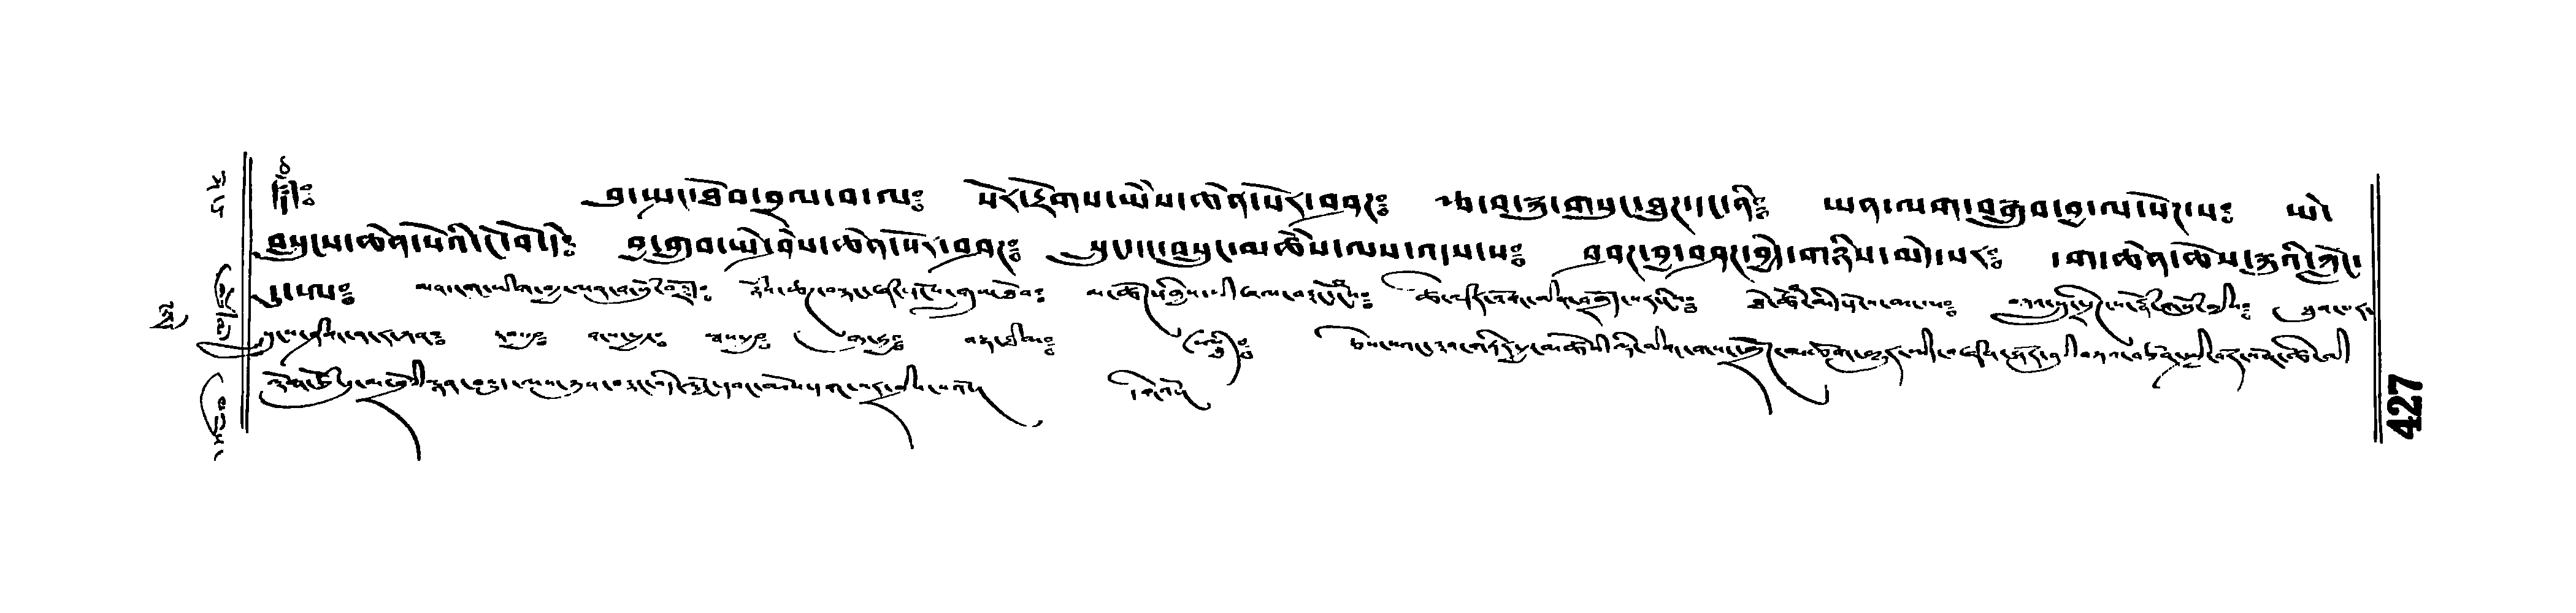བུ་སྤང་ཐོབ་བྲལ་བ་ལ༔ སོར་རྟོགས་ཡེ་ཤེས་ཆེན་པོར་བཤགས༔ རྩ་བ་སྐུ་གསུང་ཐུགས་དང་ནི༔ ཡན་ལག་བསྒྲུབ་བྱ་ལ་སོགས་པ༔ 
ཡེསྲུང་ཆེན་པོའི་ངོ་བོ་དེ༔ བྱ་གྲུབ་ཡེ་ཤེས་ཆེན་པོར་བཤགས༔ སྲུང་དང་བསྲུང་མཚམས་ལས་འདས་པ༔ བཤགས་བྱ་བཤགས་བྱེད་གཉིས་མེད་པར༔ དག་ཆེན་ཆོས་སྐུའི་ཀློང་
དུ་ཨཱཿ མན་ངག་ཡིག་བརྒྱ་ལན་གསུམ་བརྗོད༔ ཉམས་ཆག་བསྐང་ཞིང་དངོས་གྲུབ་ཐོབ༔ མ་ཚོགས་དགྱེས་པའི་ཞལ་བཟང་ངོམས༔ ཚེ་འདིར་འོག་མིན་བགྲོད་པར་ངེས༔ ཐེ་ཚོམ་མེད་དོ་ས་མ་ཡ༔ བཀའ་སྲུང་དྲེགས་པ་རྣམ་གསུམ་གྱིས༔ ཐུབ་པར་
སྲུངས་ཤིག་ན་ར་ཀན༔ ཟབ་རྒྱ༔ གསང་རྒྱ༔ སྦས་རྒྱ༔ གུ་ཧྱ༔ བརྡ་ཐིམ༔ ༔ ཅེས་པའང་ཟབ་གཏེར་རྒྱ་མཚོའི་ལྡེ་མིག་གསང་གྲོགས་མཆོག་གྱུར་ཡིད་བཞིན་ནོར་བུའི་བཀའ་བཙན་སྤྱི་བོར་སོན་ཚེ་མི་
ལྡོག་ཙམ་དུ་མཁའ་འགྲོའི་སྙན་བརྒྱུད་ལས་ཀུན་བཟང་བདེ་སྐྱོང་དབང་མོས་དག་པར་བྲིས་པའོ།།